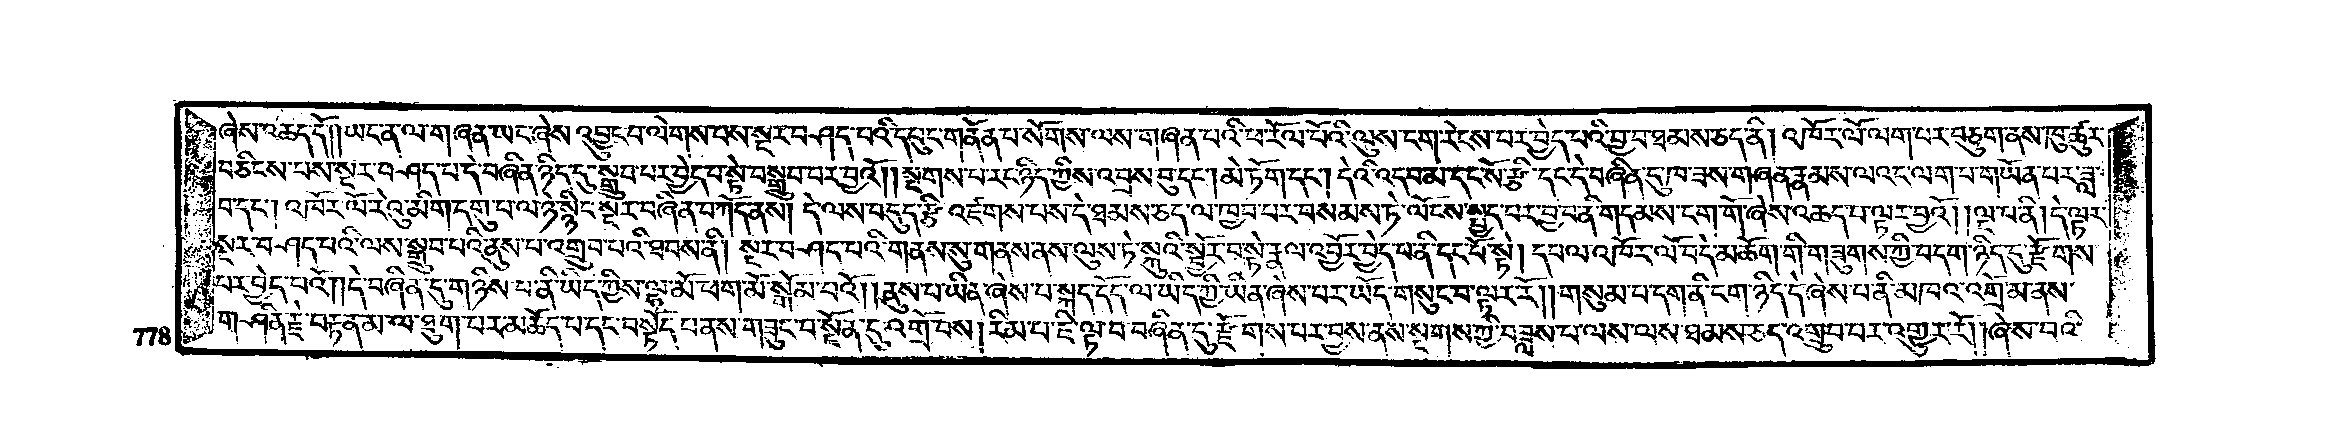ཞེས་འཆད་དོ། །ཡང་ན་ལ་གཞན་ཡང་ཞེས་འབྱུང་བ་ལེགས་པས་སྔར་བཤད་པའི་དཔུང་གནོན་པ་སོགས་ལས་གཞན་པའི་ཕ་རོལ་པོའི་ལུས་ངག་རེངས་བར་བྱེད་པའི་བྱ་བ་ཐམས་ཅད་ནི། འཁོར་ལོ་ལག་པར་བཅུག་ནས་ཁུ་ཆུང་
བཅིངས་པས་སྔར་བཤད་པ་དེ་བཞིན་ཉིད་དུ་སྒྲུབ་པར་བྱེད་པ་སྟེ་བསྒྲུབ་པར་བྱའོ། །སྔགས་པ་རང་ཉིད་ཀྱིས་འབྲས་བུ་དང་། མེ་ཏོག་དང་། དེའི་འདབ་མེ་དང་སོ་རྩི་དང་དེ་བཞིན་དུ་ཁ་ཟས་གཞན་རྣམས་ལའང་ལག་པ་གཡོན་པར་ཟླ་
བ་དང་། འཁོར་ལོ་རེའུ་མིག་དགུ་པ་ལ་ཉེ་སྙིང་སྔར་བཞིན་བཀོད་ནས། དེ་ལས་བདུད་རྩི་འཛགས་པས་དེ་ཐམས་ཅད་ལ་ཁྱབ་པར་བསམས་ཏེ་ལོངས་སྤྱད་པར་བྱེ་བ་ནི་གདམས་ངག་གོ་ཞེས་འཆད་པ་ལྟར་བྱའོ། །ལྔ་པ་ནི། དེ་ལྟར་
སྔར་བཤད་པའི་ལས་སྒྲུབ་པའི་ནུས་པ་འགྲུབ་པའི་ཐབས་ནི། སྔར་བཤད་པའི་གནས་སུ་གནས་ནས་ལུས་ཏེ་སྐུའི་སྦྱོར་བ་སྟེ་རྣལ་འབྱོར་བྱེད་པ་ནི་དང་པོ་སྟེ། དཔལ་འཁོར་ལོ་བདེ་མཆོག་གི་གཟུགས་ཀྱི་བདག་ཉིད་དུ་རྫོགས་
པར་བྱེད་པའོ། །དེ་བཞིན་དུ་གཉིས་པ་ནི་ཡིད་ཀྱིས་ལྷ་མོ་ཕག་མོ་སྒོམ་པའོ། །ནུས་པ་ཡིད་ཞེས་པ་སྐད་དོད་ལ་ཡིད་ཀྱི་ཡིན་ཞེས་པར་ཡོད་གསུང་བ་ལྟར་རོ། །གསུམ་པ་དག་ནི་ངག་ཉིད་དེ་ཞེས་པ་ནི་མཁའ་འགྲོ་མ་ནས་
གཤིན་རྗེ་བརྟན་མ་ལ་ཐུག་པར་མཆོད་པ་དང་བསྟོད་པ་ནས་གཟུང་བ་སྔོན་དུ་འགྲོ་བས། རིམ་པ་ཇི་ལྟ་བ་བཞིན་དུ་རྫོགས་པར་བྱས་ནས་སྔགས་ཀྱི་བཟླས་པ་ལས་ལས་ཐམས་ཅད་འགྲུབ་པར་འགྱུར་རོ། །ཞེས་བའི་